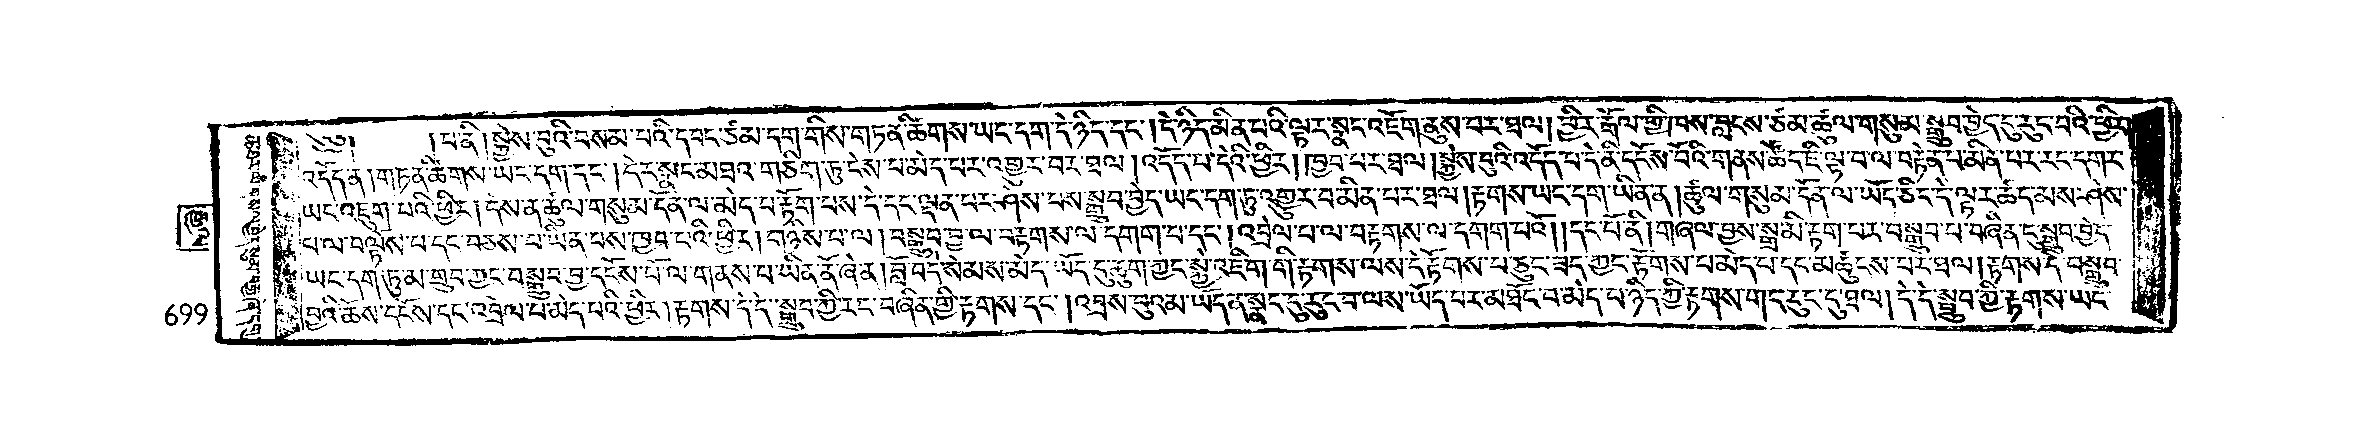༄༅། །པ་ནི། སྐྱེས་བུའི་བསམ་པའི་དབང་ཙམ་དག་གིས་གཏན་ཚིགས་ཡང་དག་དེ་ཉིད་དང་། དེ་ཉིད་མིན་པའི་ལྟར་སྣང་འཇོག་ནུས་པར་ཐལ། ཕྱིར་རྒོལ་གྱི་ཁས་བླངས་ཙམ་ཚུལ་གསུམ་སྒྲུབ་བྱེད་དུ་རུང་བའི་ཕྱིར་
འདོད་ན། གཏན་ཚིགས་ཡང་དག་དང་། དེར་སྣང་མཐའ་གཅིག་ཏུ་ངེས་པ་མེད་པར་འགྱུར་བར་ཐལ། འདོད་པ་དེའི་ཕྱིར། ཁྱབ་པར་ཐལ། སྐྱེས་བུའི་འདོད་པ་དེ་ནི་དངོས་པོའི་གནས་ཚོད་ཇི་ལྟ་བ་ལ་བརྟེན་པ་མིན་པར་རང་དགར་
ཡང་འཇུག་པའི་ཕྱིར། དེས་ན་ཚུལ་གསུམ་དོན་ལ་མེད་པ་རྟོག་པས་དེ་དང་ལྡན་པར་ཤེས་པས་སྒྲུབ་བྱེད་ཡང་དག་ཏུ་འགྱུར་བ་མིན་པར་ཐལ། རྟགས་ཡང་དག་ཡིན་ན། ཚུལ་གསུམ་དོན་ལ་ཡོད་ཅིང་དེ་ལྟར་ཚད་མས་ཤེས་
པ་ལ་བལྟོས་པ་དང་བཅས་པ་ཡིན་པས་ཁྱབ་པའི་ཕྱིར། གཉིས་པ་ལ། བསྒྲུབ་བྱ་ལ་བརྟགས་ལ་དགག་པ་དང་། འབྲེལ་པ་ལ་བརྟགས་ལ་དགག་པའོ། །དང་པོ་ནི། གཞལ་བྱས་སྒྲ་མི་རྟག་པར་བསྒྲུབ་པ་བཞིན་དུ་སྒྲུབ་བྱེད་
ཡང་དག་ཏུ་མ་གྲུབ་ཀྱང་བསྒྲུབ་བྱ་དངོས་པོ་ལ་གནས་པ་ཡིན་ནོ་ཞེ་ན། བློ་བདེ་སེམས་མེད་ཡོད་དུ་ཆུག་ཀྱང་སྐྱེ་འཇིག་གི་རྟགས་ལས་དེ་རྟོགས་པ་ཅུང་ཟད་ཀྱང་རྟོགས་པ་མེད་པ་དང་མཚུངས་པར་ཐལ། རྟགས་དེ་བསྒྲུབ་
བྱའི་ཆོས་དངོས་དང་འབྲེལ་པ་མེད་པའི་ཕྱིར། རྟགས་དེ་དེ་སྒྲུབ་ཀྱི་རང་བཞིན་གྱི་རྟགས་དང་། འབྲས་བུའམ་ཡོད་ན་སྣང་དུ་རུང་བ་ལས་ཡོད་པར་མཐོང་བ་མེད་པ་ཉིད་ཀྱི་རྟགས་གང་རུང་དུ་ཐལ། དེ་དེ་སྒྲུབ་ཀྱི་རྟགས་ཡང་